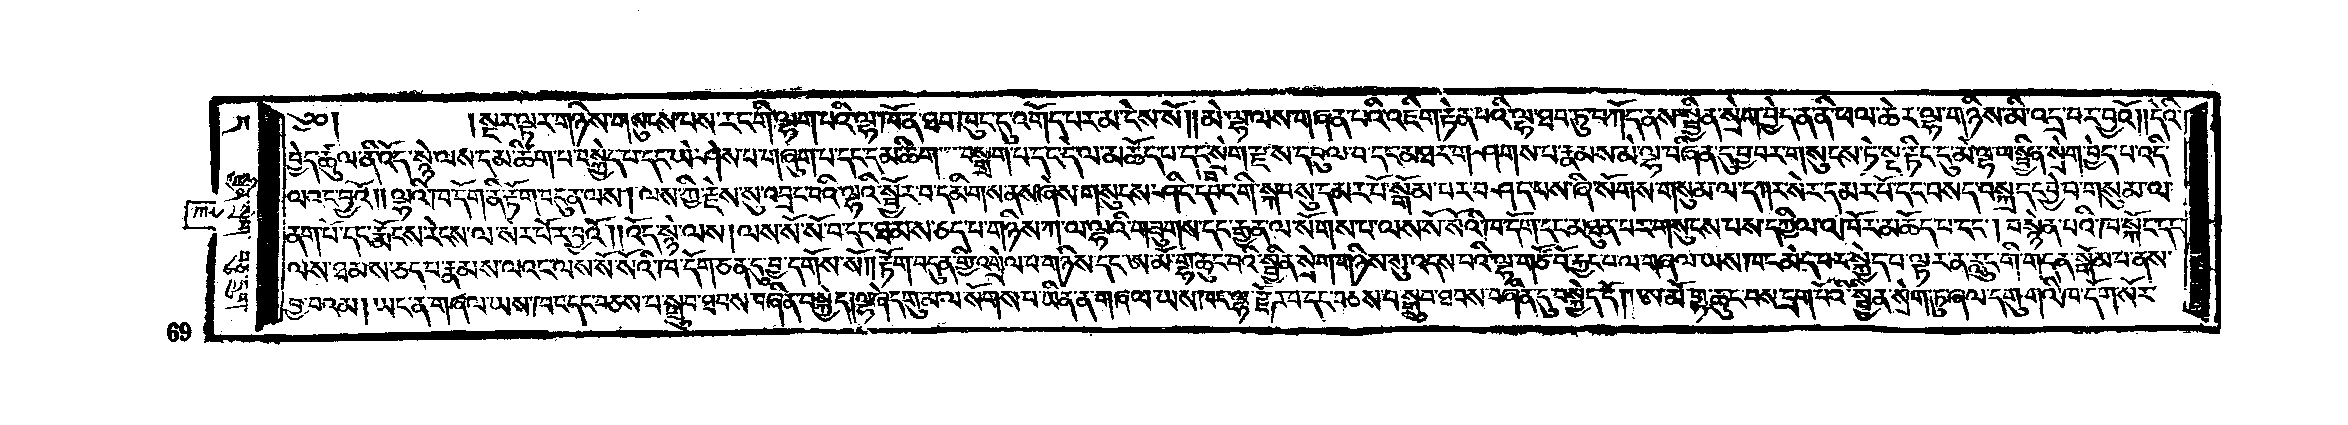༄༅། །སྔར་ལྟར་གཉིས་གསུངས་པས་རང་གི་ལྷག་པའི་ལྷ་ཁོ་ན་ཐབ་ཁུང་དུ་འགོད་པར་མ་ངེས་སོ། །མེ་ལྷ་ལས་གཞན་པའི་འཇིག་རྟེན་པའི་ལྷ་ཐབ་ཏུ་བཀོད་ནས་སྦྱིན་སྲེག་བྱེད་ན་ནི་ཕལ་ཆེར་ལྷ་གཉིས་མི་འདྲ་བར་བྱའོ། །དེའི་
བྱེད་ཚུལ་ནི་འོད་སྙེ་ལས་དམ་ཚིག་པ་བསྐྱེད་པ་དང་ཡེ་ཤེས་པ་གཞུག་པ་དང་དམ་ཚིག་བསྒྲག་པ་དང་དེ་ལ་མཆོད་པ་དང་བསྲེག་རྫས་དབུལ་བ་དང་མཐར་གཤགས་པ་རྣམས་མེ་ལྷ་བཞིན་དུ་བྱ་བར་གསུངས་ཏེ་སྔ་རྟིང་དུ་མེ་ལྷ་ལ་སྦྱིན་སྲེག་བྱེད་པ་འདི་
ལའང་བྱའོ། །ལྷའི་ཁ་དོག་ནི་རྟོག་བདུན་ལས། ལས་ཀྱི་རྗེས་སུ་འབྲང་བའི་ལྷའི་སྦྱོར་བ་དམིགས་ནས་ཞེས་གསུངས་ཤིང་དབང་གི་སྐབས་སུ་དམར་པོ་སྒོམ་པར་བཤད་པས་ཞི་སོགས་གསུམ་ལ་དཀར་སེར་དམར་པོ་དང་བསད་བསྐྲད་དབྱེ་བ་གསུམ་ལ་
ནག་པོ་དང་རྨོངས་རེངས་ལ་སེར་པོར་བྱའོ། །འོད་སྙེ་ལས། ལས་སོ་སོ་བ་དང་ཐམས་ཅད་པ་གཉིས་ཀ་ལ་ལྷའི་གཟུགས་དང་རྒྱན་ལ་སོགས་པ་ལས་སོ་སོའི་ཁ་དོག་དང་མཐུན་པར་གསུངས་པས་དཀྱིལ་འཁོར་མཆོད་པ་དང་། བསྙེན་པའི་ཁ་སྐོང་དང་
ལས་ཐམས་ཅད་པ་རྣམས་ལའང་ལས་སོ་སོའི་ཁ་དོག་ཅན་དུ་བྱ་དགོས་སོ། །རྟོག་བདུན་གྱི་འགྲེལ་པ་གཉིས་དང་ཨ་མོ་གྷ་ཆུང་བའི་སྦྱིན་སྲེག་གཉིས་སུ་འདས་པའི་ལྷ་གཙོ་བོ་རྐྱང་པ་ལ་གཞལ་ཡས་ཁང་མེད་པར་སྐྱེད་པ་ལྟར་ན་རླུང་གི་གདན་སྒོམ་པ་ནས་
བྱ་བའམ། ཡང་ན་གཞལ་ཡས་ཁང་དང་བཅས་པ་སྒྲུབ་ཐབས་བཞིན་བསྐྱེད། ལྷ་ཞེ་དགུ་མ་ལ་སོགས་པ་ཡིན་ན་གཞལ་ཡས་ཁང་ལྷ་རྫོགས་པ་དང་བཅས་པ་སྒྲུབ་ཐབས་བཞིན་དུ་བསྐྱེད་དོ། །ཨ་མོ་གྷ་ཆུང་བས་དྲག་པོའི་སྦྱིན་སྲེག་ཏུ་ཞལ་དགུ་གའི་ཁ་དོག་སོར་